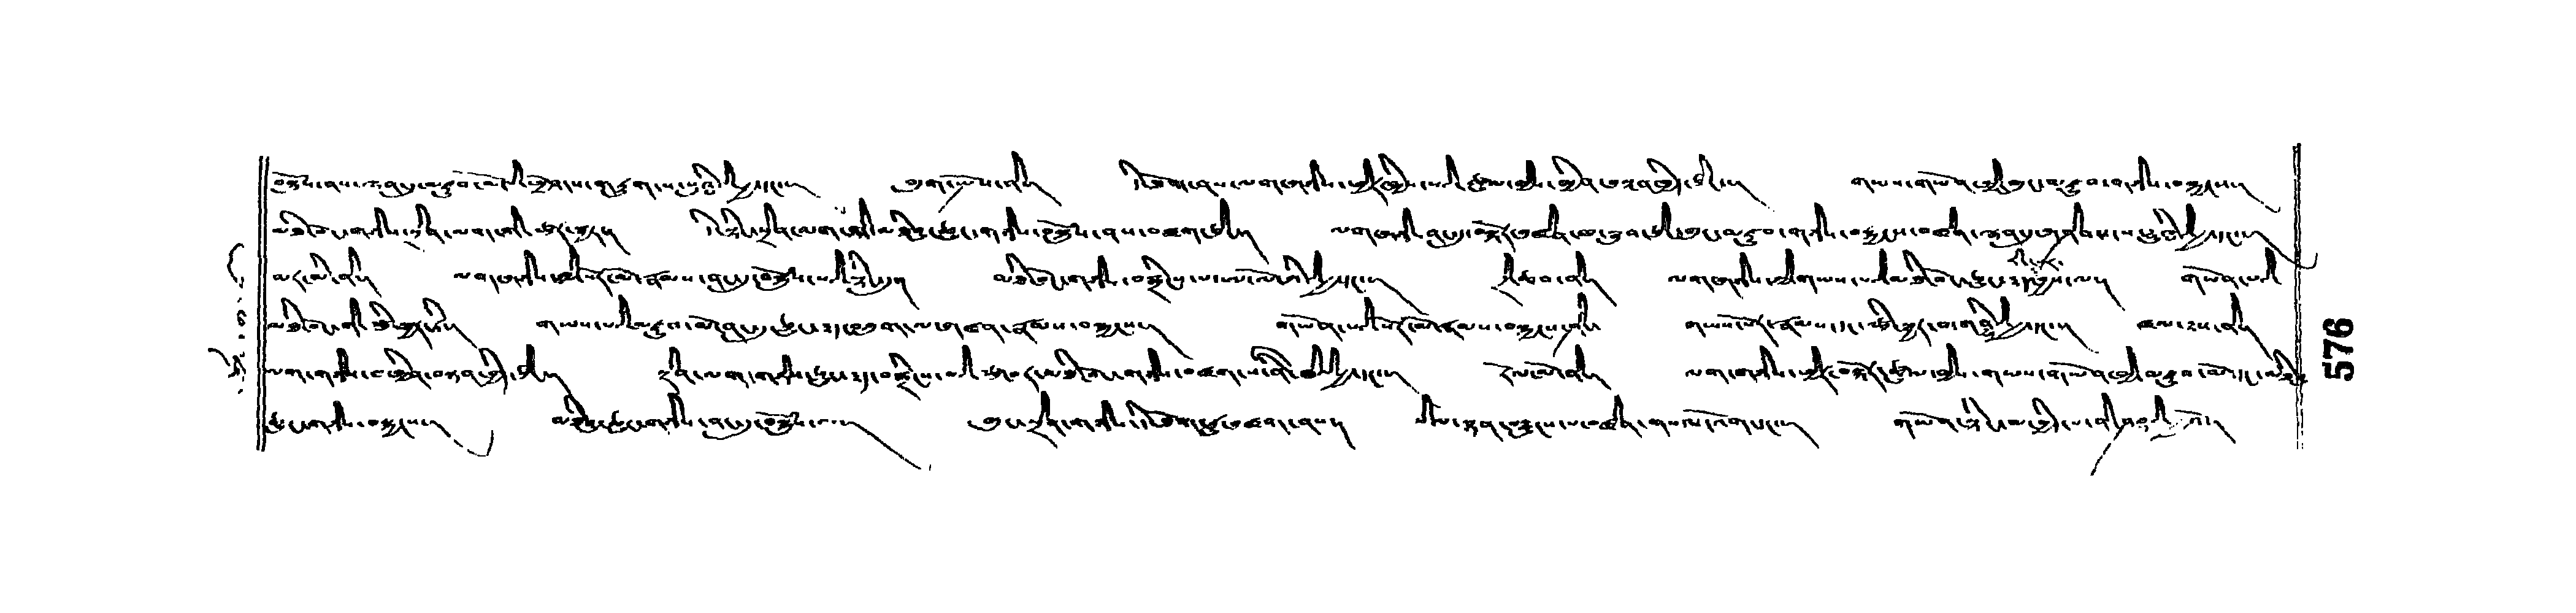བསྐུམས་ནས་ལྷན་དུ་མཛུབ་མོའི་ཕྱོགས་གཏུག་པ་པུཥྤེའི་རྒྱ་དང་། བདུག་སྤོས་ནི། དེ་ཐོག་ནས་ལག་གཉིས་ཕྱིར་གྱེས་པའི་ཚུལ་གྱིས་གྱེན་བསྟན་ཁྱེད་ཅིང་། གཡས་གཡོན་གྱི་གུང་མཛུབ་གཉིས་བརྐྱངས། 
མཐེ་བོང་གཉིས་སྲིན་ལག་གི་རྩར་སྦྱར། དེ་སྟེང་སྲིན་ལག་མཐེའུ་ཆུང་གཉིས་བསྐུམས་ནས་བཞག་ཅིང་། ལག་གཉིས་ནང་དུ་བསྐོར་བཞིན་ཁ་སྦུབ་ཅིང་གུང་མཛུབ་གཉིས་བརྐྱངས་བཞིན་ལྷན་དུ་གཤིབས་པ་དྷུཥྤེའྀ་རྒྱ་དང་། 
མར་མེ་ནི། ལག་གཉིས་ཀྱི་སོར་མོ་རྣམས་ནང་དུ་བསྐུམས་པའི་སྟེང་དུ། མཐེ་བོང་གཉིས་བསྒྲེངས་པ་ཨ་ལོ་ཀེའི་རྒྱ་དང་། དྲི་ཆབ་ནི། ལག་གཉིས་ཀྱི་གཡས་པའི་མཐེ་བོང་ཅུང་ཟད་རིང་བར་བྱས་ལ། གཡོན་པའི་
མཐེ་བོང་གི་རྩེ་སྦྱར་ཏེ། གཡས་པའི་མཛུབ་མོ་ནང་དུ་ཅུང་ཟད་བཀུག་ལ་གཞན་རྣམས་བརྐྱངས། གཡོན་པའི་སོར་མོ་རྣམས་བརྐྱངས་ཤིང་། གཡས་སོར་རྣམས་དང་རྩེ་སྦྱར་བ་གནྡྷེའི་རྒྱ་དང་། ཞལ་ཟས་ནི། 
ལག་གཉིས་ཁ་གྱེན་བསྟན་བྱེད་ཅིང་། སྲིན་ལག་གཉིས་ཅུང་ཟད་བསྒྲེངས་བའི་རྩ་བར་མཐེ་བོང་གཉིས་བཞག་པ་ནཻ་ཝིའི་རྒྱ་དང་། རོལ་མོ་ནི། ལག་གཉིས་ཕྱིར་བསྐོར་ཚུལ་གྱིས་གཡས་གཡོན་གྱི་མཛུབ་མོ་དང་མཐེའུ་
ཆུང་གཉིས་བརྐྱངས། མཐེའུ་ཆུང་གཉིས་ནང་དུ་བསྐུམས་ལ། གུང་སྲིན་གཉིས་དེ་ཐོག་ཏུ་བཞག་ནས། སིལ་སྙན་བཟུང་པ་བཞིན་གཡས་འོག་དང་། གཡོན་སྟེང་མ་བྱེད་པ་ནི་ཤབྡའི་རྒྱའོ།